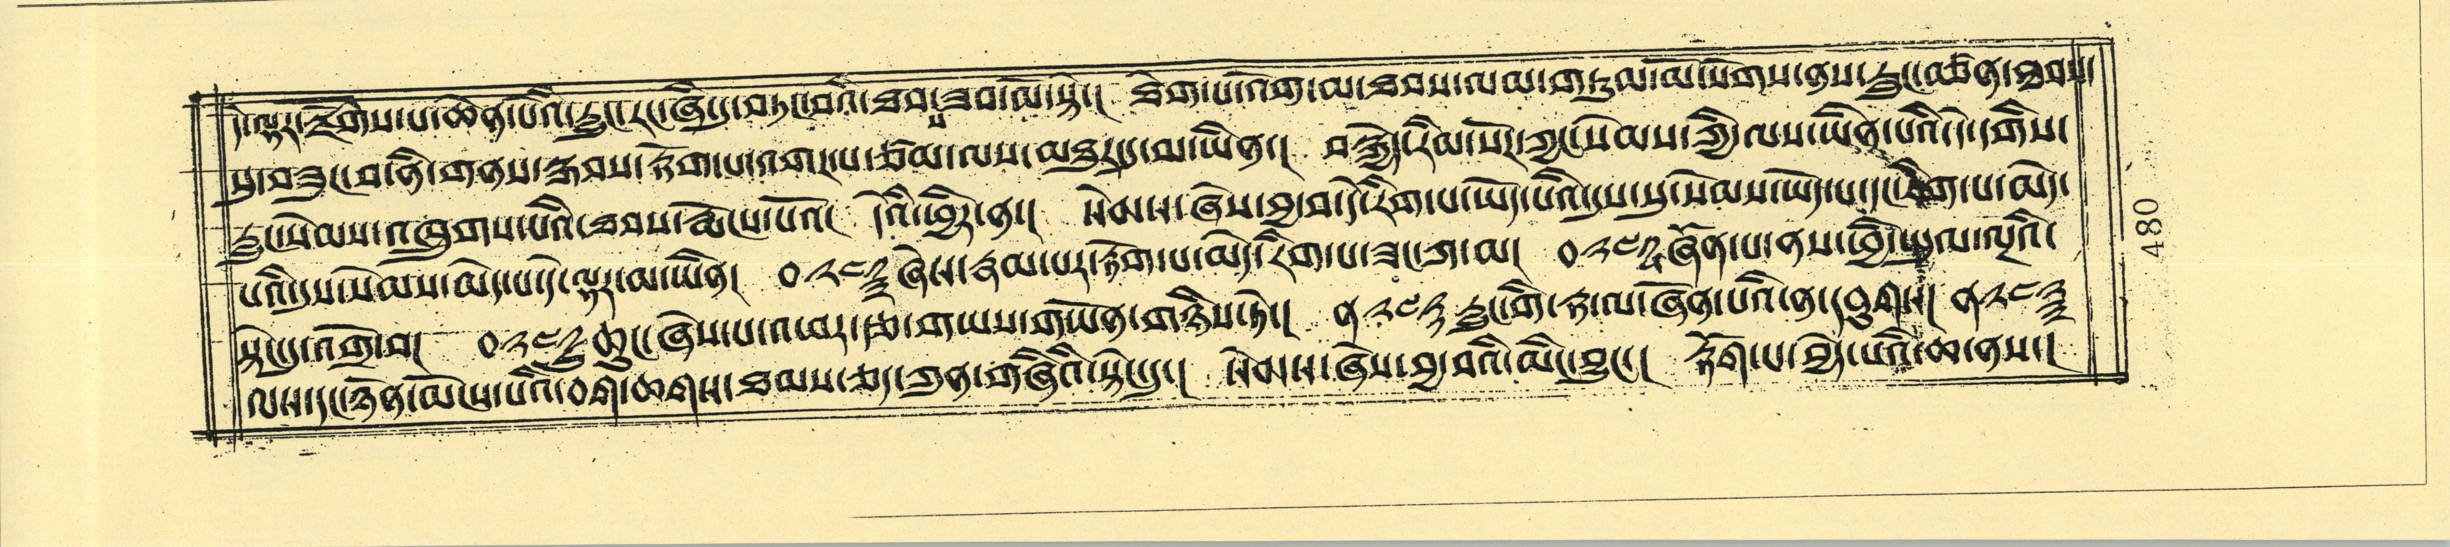དེ་ལྟར་རྫོགས་པ་ཆེན་པོའི་རླུང་རང་ཞི་རུ་བཏང་བའི་ཐབས་ཟབ་མོ་སྟེ། ཐེག་པ་འོག་མ་ཐབས་ལམ་གཏུམ་མོ་སོགས་ནས་རླུང་བཙན་ཐབས་
སུ་བཟུང་བ་ནི་གནས་སྐབས་རྟོག་པ་འགག་པ་ཙམ་ལས་མཐར་ཐུག་མ་ཡིན། བསྐྱེད་རིམ་སོགས་ཀྱང་སེམས་ཀྱི་ལས་ཡིན་པས་དེ་དག་གིས་
རླུང་སེམས་འཁྲུགས་པའི་ཐབས་རྨོངས་པའོ། དེའི་ཕྱིར་ན་༼སེམས༽ཞེས་བྱ་བ་དེ་རིག་པ་ཡོད་པའི་དུས་སུ་སེམས་ཡོད་པ་དང་རིག་པ་མེད་
པའི་དུས་སུ་སེམས་མེད་པ་དེ་ལྟར་མ་ཡིན་བ༢༤༡།༣༼ཞེས་༽རྣམ་པར་རྟོག་པ་མེད་རིག་པ་ཟང་ཀ་མ་བ༢༤༡།༥༼ཞོན་པ་༽ནས་ཕྱི་ཡུལ་ལྔའི་
སྟེང་དུ་འགྲོ་བ་བ༢༤༡།༦༼ཆུང༽ཞེས་པ་འཕར་རྩ་གཡས་གཡོན་གཉིས་ཏེ་ན༢༤༢།༡རླུང་གི་རྟ་ལ་ཞོན་པས་ན་༼དབུགས༽ན་༢༤༢།༣
༼ལས༽དང་ཉོན་མོངས་པའི་༼བག་ཆགས༽ཐམས་ཅད་ཀུན་གཞིའི་སྟེང་དུ་ ༼སེམས༽ཞེས་བྱ་བའི་མིང་བྱུང་རྟོག་པ་བྱེད་པའི་ཆ་ནས་